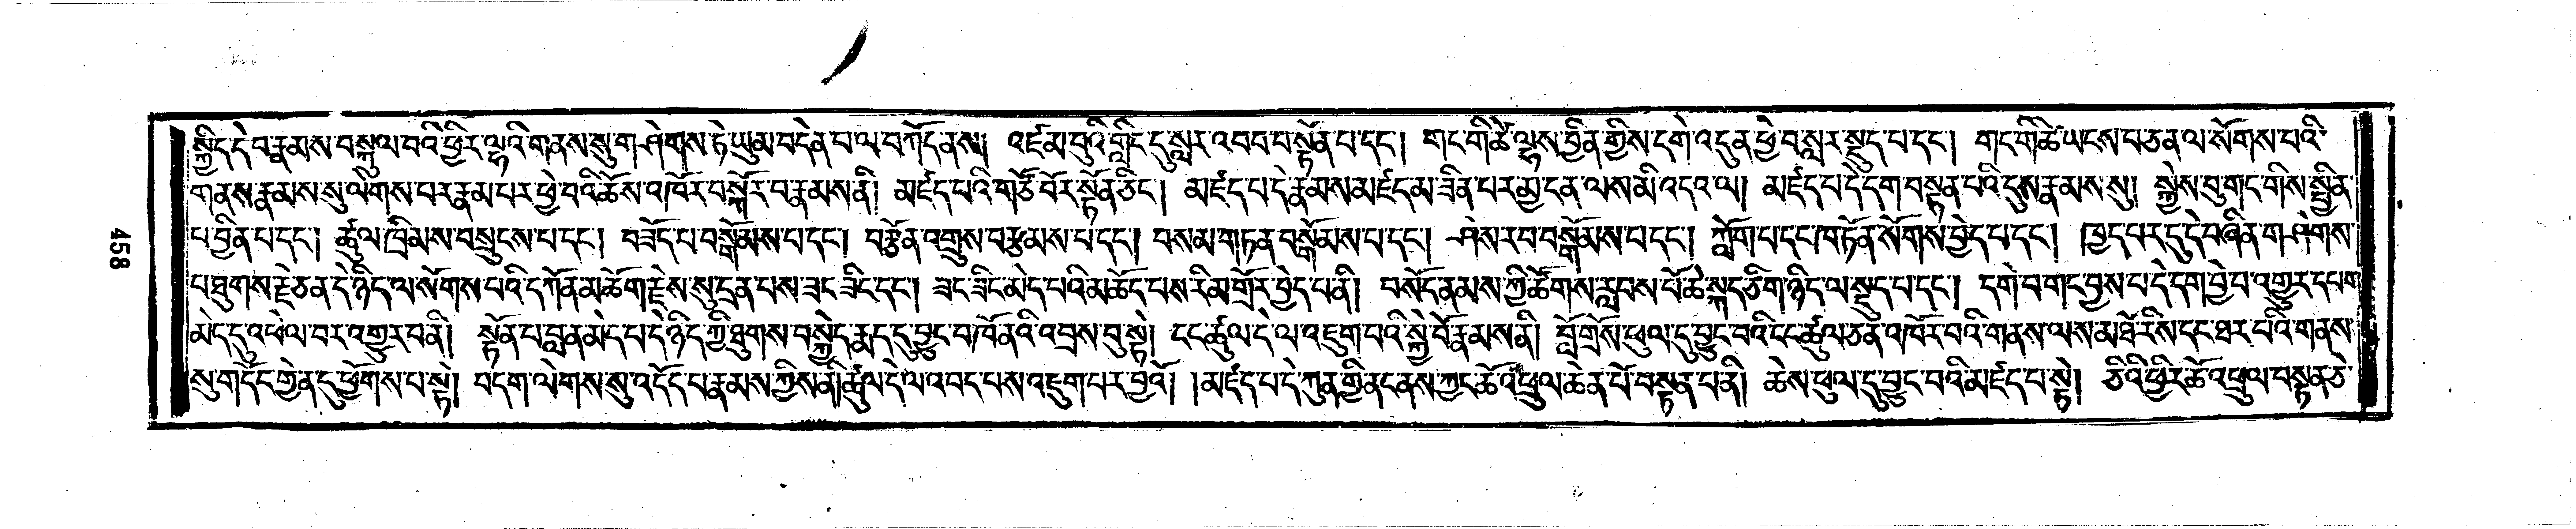སྐྱིད་དེ་བ་རྣམས་བསྐུལ་བའི་ཕྱིར་ལྷའི་གནས་སུ་གཤེགས་ཏེ་ཡུམ་བདེན་བ་ལ་བཀོད་ནས། འཛམ་བུའི་གླིང་དུ་སླར་འབབ་པ་སྟོན་པ་དང་། གང་གི་ཚེ་ལྷས་བྱིན་གྱིས་དགེ་འདུན་ཕྱེ་བ་སླར་སྡུད་པ་དང་། གང་གི་ཚེ་ཡངས་པ་ཅན་ལ་སོགས་པའི་
གནས་རྣམས་སུ་ལེགས་པར་རྣམ་པར་ཕྱེ་བའི་ཆོས་འཁོར་བསྐོར་བ་རྣམས་ནི། མཛད་པའི་གཙོ་བོར་སྟོན་ཅིང་། མཛད་པ་དེ་རྣམས་མཛད་མ་ཟིན་པར་མྱ་ངན་ལས་མི་འདའ་ལ། མཛད་པ་དེ་དག་བསྟན་པའི་དུས་རྣམས་སུ། སྐྱེས་བུ་གང་གིས་སྦྱིན་
པ་བྱིན་པ་དང་། ཚུལ་ཁྲིམས་བསྲུངས་པ་དང་། བཟོད་པ་བསྒོམས་པ་དང་། བརྩོན་འགྲུས་བརྩམས་པ་དང་། བསམ་གཏན་བསྒོམས་པ་དང་། ཤེས་རབ་བསྒོམ་པ་དང་། ཀློག་པ་དང་ཁ་ཏོན་སོགས་བྱེད་པ་དང་། ཁྱད་པར་དུ་དེ་བཞིན་གཤེགས་
པ་ཐུགས་རྗེ་ཅན་དེ་ཉིད་ལ་སོགས་པའི་དཀོན་མཆོག་རྗེས་སུ་དྲན་པས་ཟང་ཟིང་དང་། ཟང་ཟིང་མེད་པའི་མཆོད་པས་རིམ་གྲོར་བྱེད་པ་ནི། བསོད་ནམས་ཀྱི་ཚོགས་རླབས་པོ་ཆེ་སྐད་ཅིག་ཉིད་ལ་སྡུད་པ་དང་། དགེ་བ་གང་བྱས་པ་དེ་དག་བྱེ་བ་འགྱུར་དཔག་
མེད་དུ་འཕེལ་བར་འགྱུར་བ་ནི། སྟོན་པ་བླ་ན་མེད་པ་དེ་ཉིད་ཀྱི་ཐུགས་བསྐྱེད་རྨད་དུ་བྱུང་བ་ཁོ་ནའི་འབྲས་བུ་སྟེ། ངང་ཚུལ་དེ་ལ་འཇུག་པའི་སྐྱེ་བོ་རྣམས་ནི། བློ་གྲོས་ཕུལ་དུ་བྱུང་བའི་ངང་ཚུལ་ཅན་འཁོར་བའི་གནས་ལས་མཐོ་རིས་དང་ཐར་པའི་གནས་
སུ་གདོང་གྱེན་དུ་ཕྱོགས་པ་སྟེ། བདག་ལེགས་སུ་འདོད་པ་རྣམས་ཀྱིས་ནི། ཚུལ་དེ་ལ་འབད་པས་འཇུག་པར་བྱའོ། །མཛད་པ་དེ་ཀུན་གྱི་ནང་ནས་ཀྱང་ཆོ་འཕྲུལ་ཆེན་པོ་བསྟན་པ་ནི། ཆེས་ཕུལ་དུ་བྱུང་བའི་མཛད་པ་སྟེ། ཅིའི་ཕྱིར་ཆོ་འཕྲུལ་བསྟན་ཅེ་